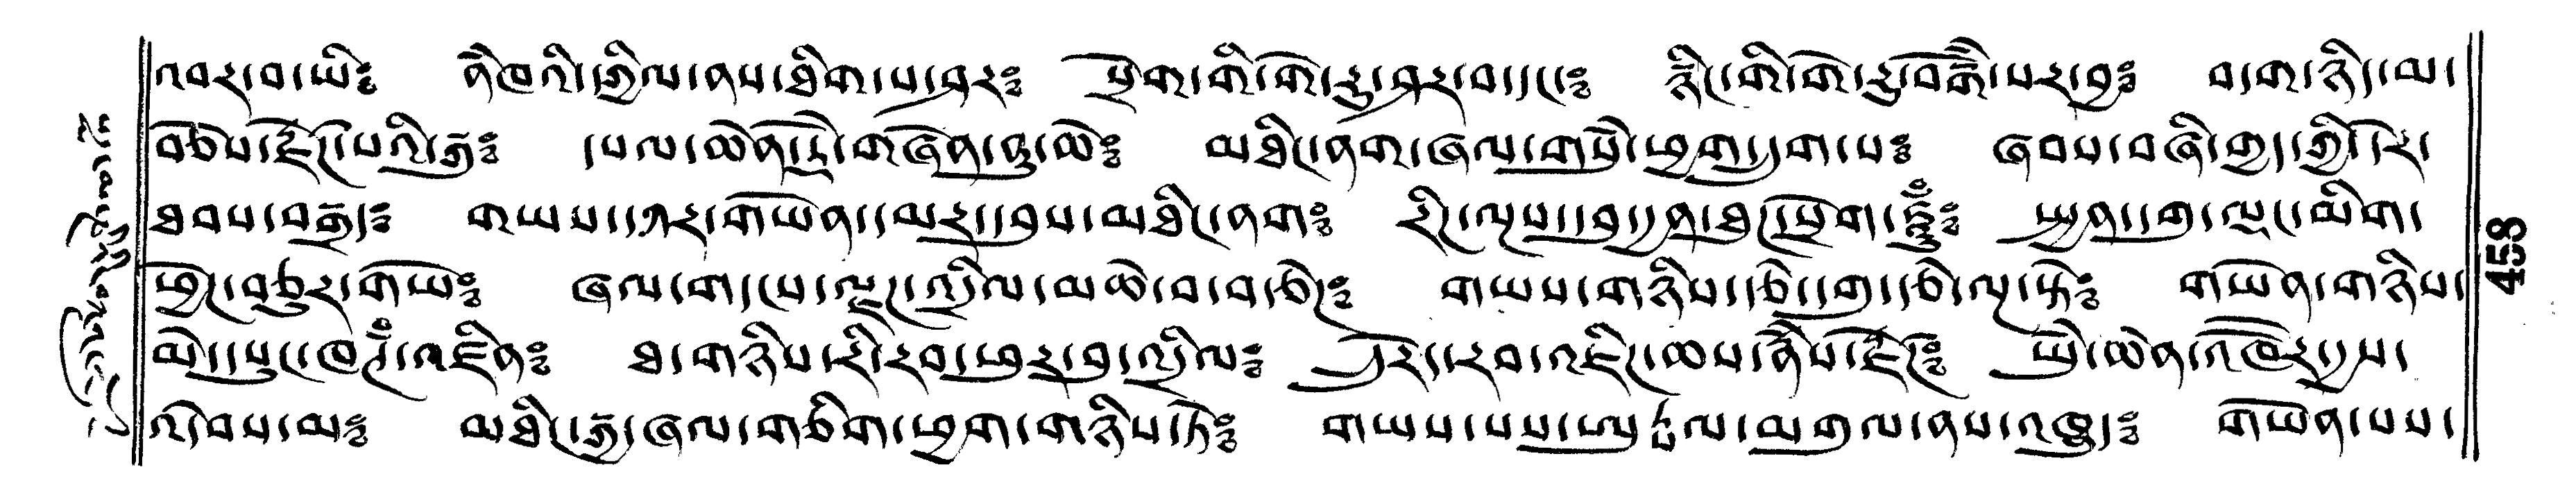འབར་བ་ཡི༔ ནམ་མཁའི་དཀྱིལ་ནས་ཐིག་པ་ཤར༔ སྲོག་གི་གོ་རུ་ཤར་བ་དང༔ སྙིང་གི་གོ་རུ་བསྒོམ་པར་བྱ༔ བདག་ཉིད་མ་
བཅོས་རྫོགས་པའི་སྐུ༔ དཔལ་ཆེན་རྡོ་རྗེ་གཞོན་ནུ་ཆེ༔ མཐིང་ནག་ཞལ་གསུམ་ཕྱག་དྲུག་པ༔ ཞབས་བཞི་གྱད་ཀྱི་འདོར་
ཐབས་བསྒྲད༔ གཡས་དཀར་གཡོན་དམར་དབུས་མཐིང་ནག༔ རིགས་ལྔས་དབུ་རྒྱན་ཐུགས་སྲོག་ཧཱུྃ༔ སྤྱན་དགུ་སྡང་མིག་
ཕྱོགས་བཅུར་གཡོ༔ ཞལ་གདངས་ལྗགས་འདྲིལ་མཆེ་བ་གཙིགས༔ གཡས་གཉིས་རྩེ་དགུ་རྩེ་ལྔ་སྟེ༔ གཡོན་གཉིས་
མེ་དཔུང་ཁ་ཊྭཾ་འཛིན༔ ཐ་གཉིས་རི་རབ་ཕུར་བུ་འདྲིལ༔ དུད་ཁྲོད་རབ་འཇིགས་ཆས་རྣམས་རྫོགས༔ ཡུམ་ཆེན་འཁོར་ལོ་རྒྱས་
འདེབས་མ༔ མཐིང་སྐྱ་ཞལ་གཅིག་ཕྱག་གཉིས་ཏེ༔ གཡས་པས་ཨུཏྤལ་མགུལ་ནས་འཁྱུད༔ གཡོན་པས་